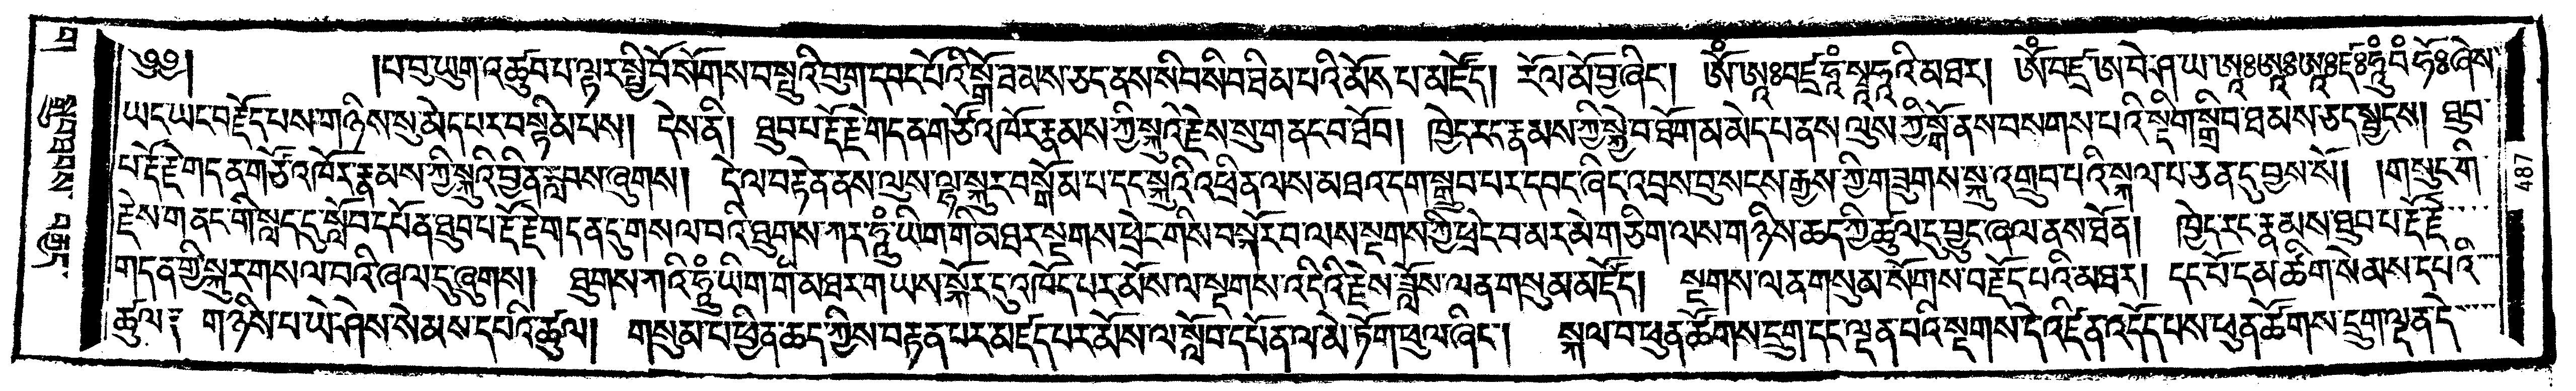༄༅། །པ་བུ་ཡུག་འཚུབ་པ་ལྟར་སྤྱི་བོ་སོགས་བ་སྤུའི་བུ་ག་དབང་པོའི་སྒོ་ཐམས་ཅད་ནས་སིབ་སིབ་ཐིམ་པའི་མོས་པ་མཛོད། རོལ་མོ་བྱ་ཞིང་། ཨོཾ་ཨཱཿབཛྲ་ཧཱཾ་སྭཱཧཱའི་མཐར། ཨོཾ་བཛྲ་ཨ་བེ་ཤ་ཡ་ཨཱཿཨཱཿཨཱཿཛཿཧཱུཾ་བཾ་ཧོཿཞེས་
ཡང་ཡང་བརྗོད་པས་གཉིས་སུ་མེད་པར་བསྟིམ་པས། དེས་ནི། ཐུབ་པ་རྡོ་རྗེ་གདན་གཙོ་འཁོར་རྣམས་ཀྱི་སྐུའི་རྗེས་སུ་གནང་བ་ཐོབ། ཁྱེད་རང་རྣམས་ཀྱི་སྐྱེ་བ་ཐོག་མ་མེད་པ་ནས་ལུས་ཀྱི་སྒོ་ནས་བསགས་པའི་སྡིག་སྒྲིབ་ཐམས་ཅད་སྦྱངས། ཐུབ་
པ་རྡོ་རྗེ་གདན་གཙོ་འཁོར་རྣམས་ཀྱི་སྐུའི་བྱིན་རླབས་ཞུགས། དེ་ལ་བརྟེན་ནས་ལུས་ལྷ་སྐུར་བསྒོམ་པ་དང་སྐུའི་འཕྲིན་ལས་མཐའ་དག་སྒྲུབ་པར་དབང་ཞིང་འབྲས་བུ་སངས་རྒྱས་ཀྱི་གཟུགས་སྐུ་འགྲུབ་པའི་སྐལ་པ་ཅན་དུ་བྱས་སོ། །གསུང་གི་
རྗེས་གནང་གི་སླད་དུ་སློབ་དཔོན་ཐུབ་པ་རྡོ་རྗེ་གདན་དུ་གསལ་བའི་ཐུགས་ཀར་ཧཱུཾ་ཡིག་གི་མཐར་སྔགས་ཕྲེང་གིས་བསྐོར་བ་ལས་སྔགས་ཀྱི་ཕྲེང་བ་མར་མེ་གཅིག་ལས་གཉིས་ཆད་ཀྱི་ཚུལ་དུ་བྱུང་ཞལ་ནས་ཐོན། ཁྱེད་རང་རྣམས་ཐུབ་པ་རྡོ་རྗེ་
གདན་གྱི་སྐུར་གསལ་བའི་ཞལ་དུ་ཞུགས། ཐུགས་ཀའི་ཧཱུཾ་ཡིག་གི་མཐར་གཡས་སྐོར་དུ་འཁོད་པར་མོས་ལ་སྔགས་འདིའི་རྗེས་ཟློས་ལན་གསུམ་མཛོད། སྔགས་ལན་གསུམ་སོགས་བརྗོད་པའི་མཐར། དང་པོ་དམ་ཚིག་སེམས་དཔའི་
ཚུལ༑ གཉིས་པ་ཡེ་ཤེས་སེམས་དཔའི་ཚུལ། གསུམ་པ་ཕྱིན་ཆད་ཀྱིས་བརྟན་པར་མཛད་པར་མོས་ལ་སློབ་དཔོན་ལ་མེ་ཏོག་ཕུལ་ཞིང་། སྐལ་བ་ཕུན་ཚོགས་དྲུག་དང་ལྡན་པའི་སྔགས་དེ་འཛིན་འདོད་པས་ཕུན་ཚོགས་དྲུག་ལྡན་དེ་